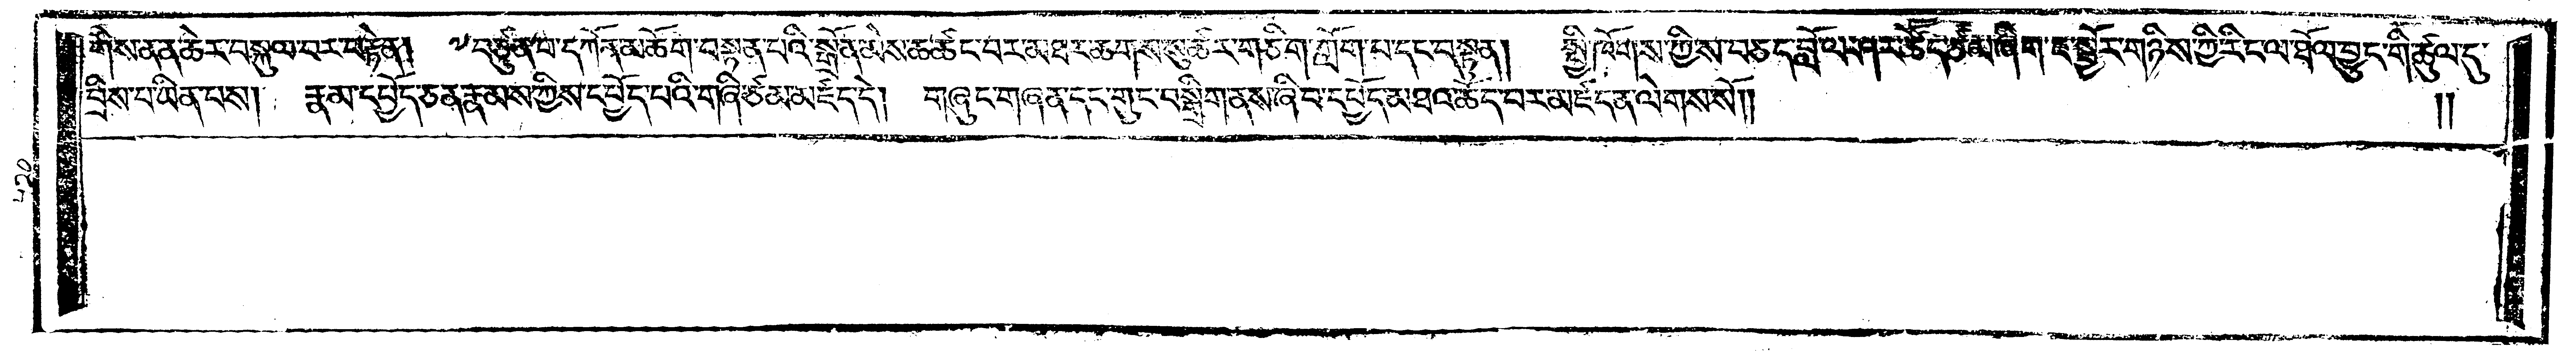གིས་ནན་ཆེར་བསྐུལ་བར་བརྟེན། ༧བཙུན་པ་དཀོན་མཆོག་བསྟན་པའི་སྒྲོན་མེས་ཆ་ཚང་བར་མཐར་ཆགས་སུ་ཚར་གཅིག་ཀློག་པ་དང་བསྟན། སྤྱི་ཁོགས་ཀྱིས་བཅད་བློ་ལ་ཤར་ཚོད་ཙམ་ཞིག་ཇ་སྦྱོར་གཉིས་ཀྱི་རིང་ལ་ཐོལ་བྱུང་གི་ཚུལ་དུ་
བྲིས་པ་ཡིན་པས། རྣམ་དཔྱོད་ཅན་རྣམས་ཀྱིས་དཔྱོད་བའི་གཞི་ཙམ་མཛད་དེ། གཞུང་གཞན་དང་གུང་བསྒྲིག་ནས་ཞི་བ་དཔྱོད་མཐའ་ཆོད་པར་མཛད་ན་ལེགས་སོ།། །།